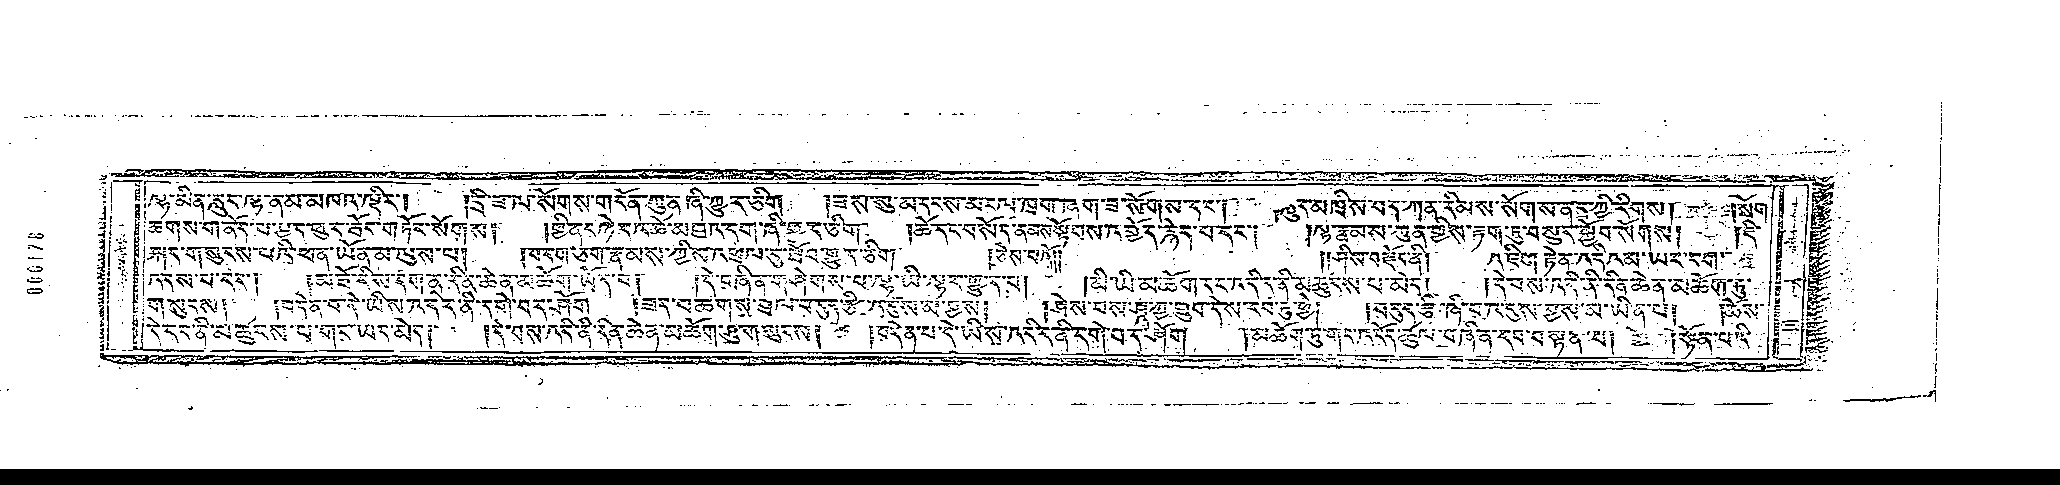ལྷ་ཆེན་རླུང་ལྷ་ནམ་མཁའ་ལྡིང་། །དྲི་ཟ་ལ་སོགས་གདོན་ཀུན་ཞི་གྱུར་ཅིག །ཟས་སུ་མདངས་མདལ་ཁྲག་ཞག་ཟ་སོགས་དང་། །རླུང་མཁྲིས་བད་ཀན་རིམས་སོགས་ནང་ཀྱི་རིགས། །སྲོག་
ཚོགས་གནོད་པ་པྱད་ཕུར་རྦོད་གཏོང་སོགས། །ཕྱི་ནང་ཉེར་འཚེ་མཐའ་དག་ཞི་གྱུར་ཅིག །ཚེ་དང་བསོད་ནམས་སྟོབས་འབྱོར་རྙེད་པ་དང་། །ལྷ་རྣམས་ཀུན་གྱིས་རྟག་ཏུ་བསྲུང་སྐྱོབ་སོགས། །ཇི་
སྐད་གསུངས་པའི་ཕན་ཡོན་མ་ལུས་པ། །བདག་ཅག་རྣམས་ཀྱིས་འཕྲལ་དུ་ཐོབ་རྒྱུར་ཅིག །ཅེས་པའོ།། ཤིས་བརྗོད་ནི། ། །འཇིག་རྟེན་འདིའམ་ཡང་དག་
འདས་པ་དང་། །མཐོ་རིས་ངག་ན་རིན་ཆེན་མཆོག་ཡོད་པ། །དེ་བཞིན་གཤེགས་པ་ལྷ་ཡི་ལྷར་གྱུར་བ། །མི་ཡི་མཆོག་དང་འདིར་ན་མཚུངས་པ་མེད། །དེ་བས་འདི་ནི་རིན་ཆེན་མཆོག་ཏུ་
གསུངས། །བདེན་པ་དེ་ཡིས་འདིར་ནི་དགེ་བར་ཤོག །ཟད་པ་ཆགས་བྲལ་བདུད་རྩི་འདུས་མ་བྱས། །ཤེས་པས་ཤཱཀྱ་ཐུབ་དེས་རབ་ཏུ་ཕྱེ། །བདུད་རྩི་ཞིབ་འདུས་བྱས་མ་ཡིན་པ། །ཆོས་
དེ་དང་ནི་མཚུངས་པ་གང་ཡང་མེད། །དེ་བས་འདི་ནི་རིན་ཆེན་མཆོག་ཏུ་གསུངས། །བདེན་པ་དེ་ཡིས་འདིར་ནི་དགེ་བར་ཤོག །།མཆོག་ཏུ་གང་འདོད་ཚུལ་བཞིན་རབ་བསྟན་པ། །སྟོན་པའི་